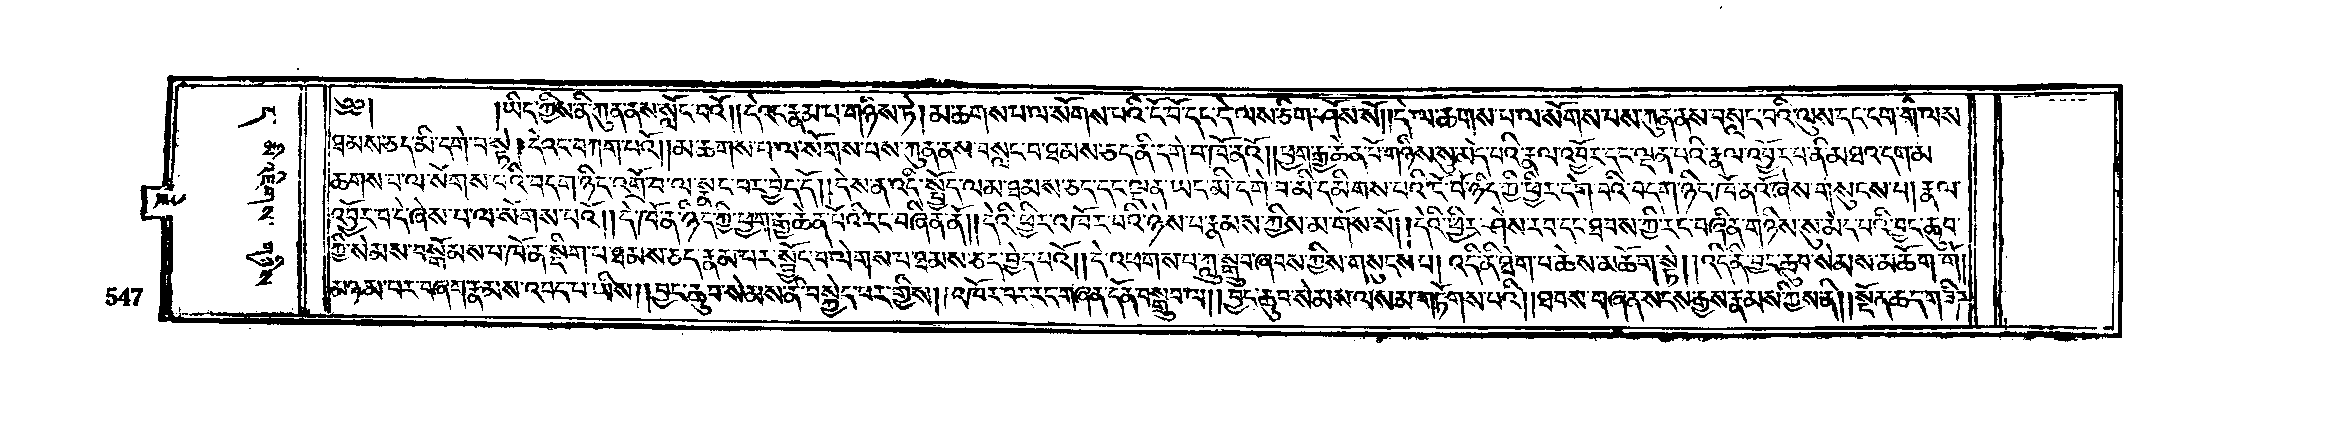༄༅། །ཡིད་ཀྱིས་ནི་ཀུན་ནས་སློང་བའོ། །དེའང་རྣམ་པ་གཉིས་ཏེ། མ་ཆགས་པ་ལ་སོགས་པའི་ངོ་བོ་དང་དེ་ལས་ཅིག་ཤོས་སོ། །དེ་ལ་ཆགས་པ་ལ་སོགས་པས་ཀུན་ནས་བསླང་བའི་ལུས་དང་ངག་གི་ལས་
ཐམས་ཅད་མི་དགེ་བ་སྟེ། དེའང་བཀག་པའོ། །མ་ཆགས་པ་ལ་སོགས་པས་ཀུན་ནས་བསླང་བ་ཐམས་ཅད་ནི་དགེ་བ་ཁོ་ནའོ། །ཕྱག་རྒྱ་ཆེན་པོ་གཉིས་སུ་མེད་པའི་རྣལ་འབྱོར་དང་ལྡན་པའི་རྣལ་འབྱོར་པ་ནི་མཐའ་དག་མ་
ཆགས་པ་ལ་སོགས་པའི་བདག་ཉིད་འགྲོ་བ་ལ་སྣང་བར་བྱེད་དོ། །དེས་ན་འདི་སྤྱོད་ལམ་ཐམས་ཅད་དང་ལྡན་ཡང་མི་དགེ་བ་མི་དམིགས་པའི་ངོ་བོ་ཉིད་ཀྱི་ཕྱིར་དགེ་བའི་བདག་ཉིད་ཁོ་ནའོ་ཞེས་གསུངས་པ། རྣལ་
འབྱོར་བ་དེ་ཞེས་པ་ལ་སོགས་པའོ། །དེ་ཁོ་ན་ཉིད་ཀྱི་ཕྱག་རྒྱ་ཆེན་པོའི་རང་བཞིན་ནོ། །དེའི་ཕྱིར་འཁོར་བའི་ཉེས་པ་རྣམས་ཀྱིས་མ་གོས་སོ། །དེའི་ཕྱིར་ཤེས་རབ་དང་ཐམས་ཀྱི་རང་བཞིན་གཉིས་སུ་མེད་པའི་བྱང་ཆུབ་
ཀྱི་སེམས་བསྒོམས་པ་ཁོ་ན་སྡིག་པ་ཐམས་ཅད་རྣམ་པར་སྦྱོང་བ་ལེགས་པ་ཐམས་ཅད་བྱེད་པའོ། །དེ་འཕགས་པ་ཀླུ་སྒྲུབ་ཞབས་ཀྱིས་གསུངས་པ། འདི་ནི་ཐེག་པ་ཆེས་མཆོག་སྟེ། །འདི་ནི་བྱང་ཆུབ་སེམས་མཆོག་གོ།
མཉམ་པར་བཞག་རྣམས་འབད་པ་ཡིས། །བྱང་ཆུབ་སེམས་ནི་བསྐྱེད་པར་གྱིས། །འཁོར་བར་རང་གཞན་དོན་བསྒྲུབ་ལ། །བྱང་ཆུབ་སེམས་ལས་མ་གཏོགས་པའི། །ཐབས་གཞན་སངས་རྒྱས་རྣམས་ཀྱིས་ནི། །སྔོན་ཆད་གཟིགས་